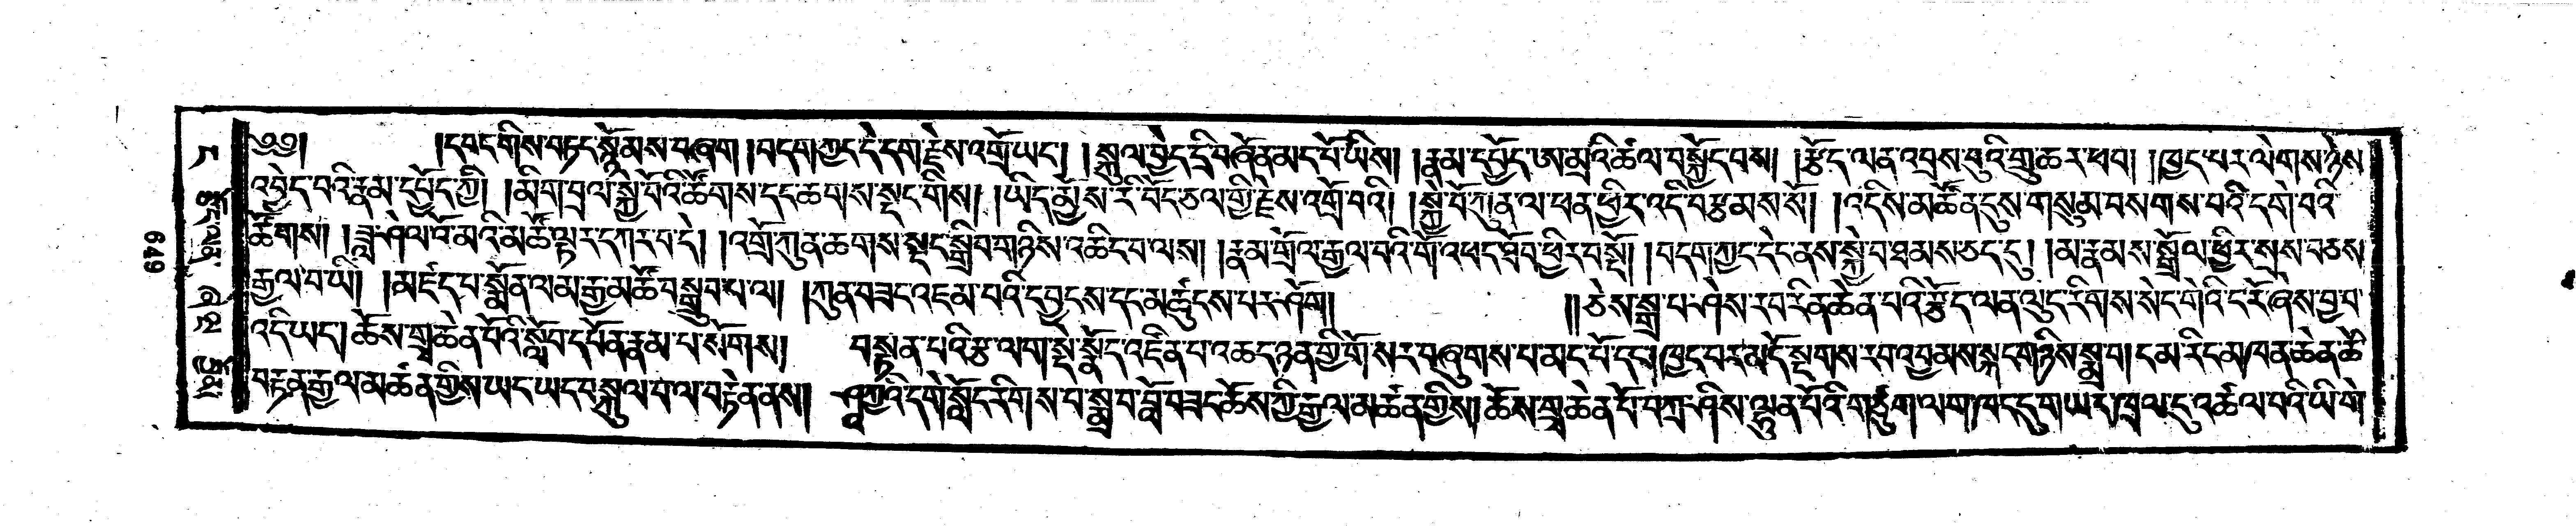༄༅། །དབང་གིས་བཏང་སྙོམས་བཞག །བདག་ཀྱང་དེ་དག་རྗེས་འགྲོ་ཡང་། །སྐུལ་བྱེད་དྲི་བཞོན་མང་པོ་ཡིས། །རྣམ་དཔྱོད་ཨ་མྲའི་ཚལ་བསྐྱོད་པས། །རྩོད་ལན་འབྲས་བུའི་གྲུ་ཆར་ཕབ། །ཁྱད་པར་ལེགས་ཉེས་
འབྱེད་པའི་རྣམ་དཔྱོད་ཀྱི། །མིག་བྲལ་སྐྱེ་བོའི་ཚོགས་དང་ཆགས་སྡང་གིས། །ཡིད་མྱོས་རི་བོང་ཅལ་གྱི་རྗེས་འགྲོ་བའི། །སྐྱེ་བོ་ཀུན་ལ་ཕན་ཕྱིར་འདི་བརྩམས་སོ། །འདིས་མཚོན་དུས་གསུམ་བསགས་པའི་དགེ་བའི་
ཚོགས། །ཟླ་ཤེལ་འོ་མའི་མཚོ་ལྟར་དཀར་བ་དེ། །འགྲོ་ཀུན་ཆགས་སྡང་སྒྲིབ་གཉིས་འཆིང་བ་ལས། །རྣམ་གྲོལ་རྒྱལ་བའི་གོ་འཕང་ཐོབ་ཕྱིར་བསྔོ། །བདག་ཀྱང་དེང་ནས་སྐྱེ་བ་ཐམས་ཅད་དུ། །མ་རྣམས་སྒྲོལ་ཕྱིར་སྲས་བཅས་
རྒྱལ་བ་ཡི། །མཛད་པ་སྨོན་ལམ་རྒྱ་མཚོ་བསྒྲུབ་པ་ལ། །ཀུན་བཟང་འཇམ་པའི་དབྱངས་དང་མཚུངས་པར་ཤོག ། །།ཅེས་སྒྲ་པ་ཤེས་རབ་རིན་ཆེན་པའི་རྩོད་ལན་ལུང་རིགས་སེང་གེའི་ང་རོ་ཞེས་བྱ་བ་
འདི་ཡང་། ཆོས་གྲྭ་ཆེན་པོའི་སློབ་དཔོན་རྣམ་པ་སོགས། བསྟན་པའི་རྩ་ལག་སྡེ་སྣོད་འཛིན་པ་འཆད་ཉན་གྱི་གོ་སར་བཞུགས་པ་མང་པོ་དང་། ཁྱད་པར་མདོ་སྔགས་རབ་འབྱམས་སྐད་གཉིས་སྨྲ་བ། ངམ་རིང་མཁན་ཆེན་ཚེ་
བརྟན་རྒྱལ་མཚན་གྱིས་ཡང་ཡང་བསྐུལ་བ་ལ་བརྟེན་ནས། ཤཱཀྱའི་དགེ་སློང་རིགས་པ་སྨྲ་བ་བློ་བཟང་ཆོས་ཀྱི་རྒྱལ་མཚན་གྱིས། ཆོས་གྲྭ་ཆེན་པོ་བཀྲ་ཤིས་ལྷུན་པོའི་གཙུག་ལག་ཁང་དུ་གཡར་ཁྲལ་དུ་འཚལ་བའི་ཡི་གེ་